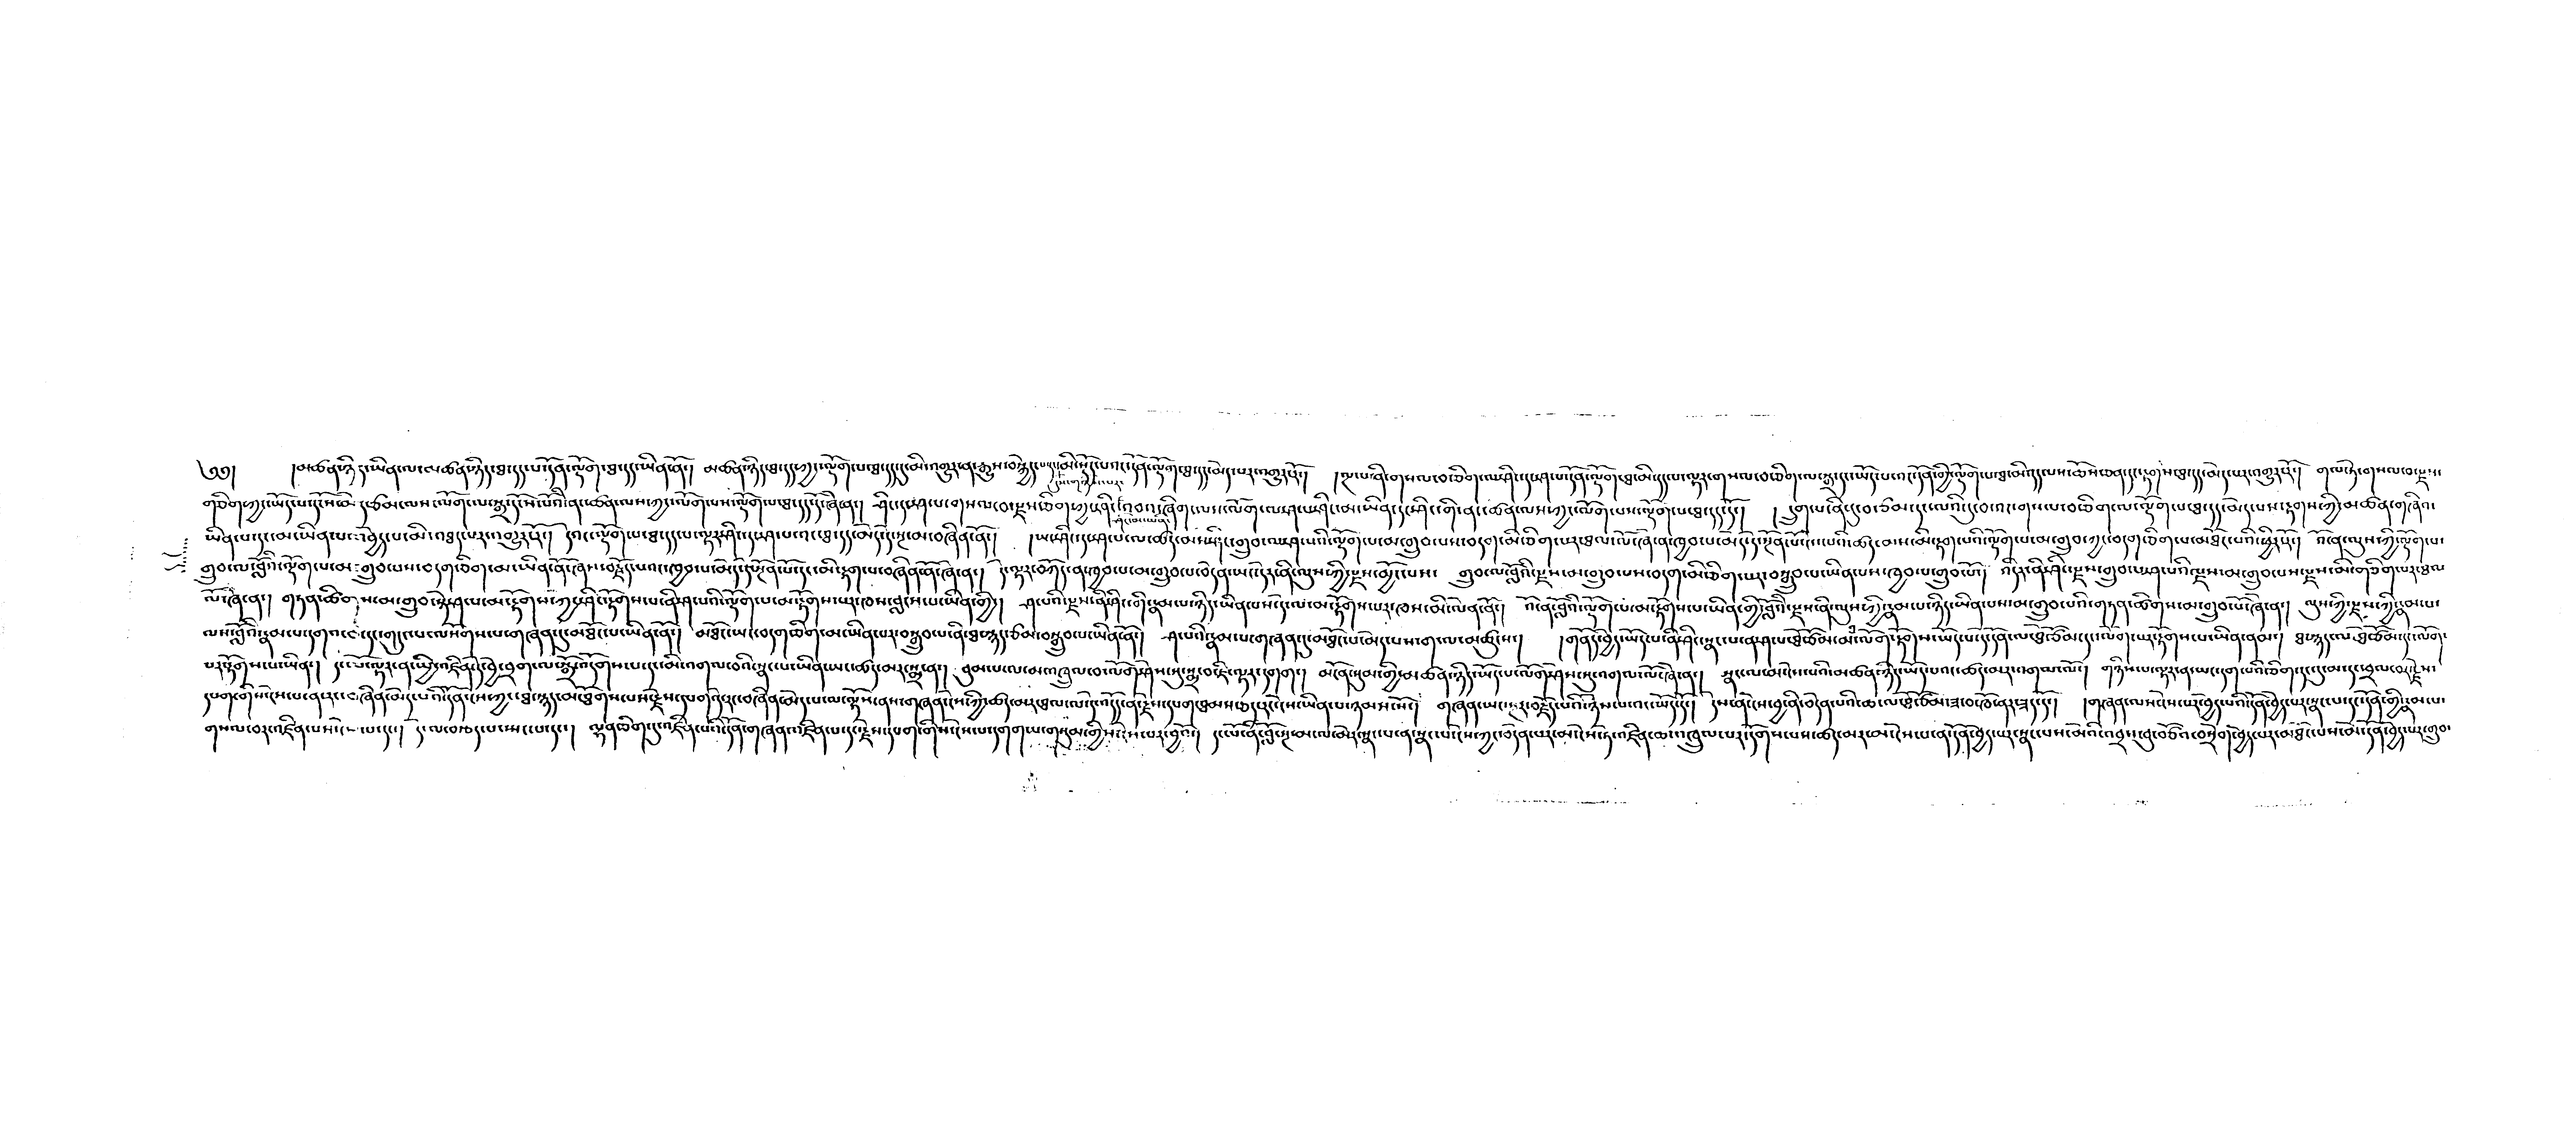༄༅། །མཚན་ཉིད་ཡིན་ལ་མཚན་ཉིད་ཐ་དད་པ་དོན་ལྡོག་ཐ་དད་ཡིན་ནོ། མཚན་ཉིད་ཐ་དད་ཀྱང་ལྡོག་པ་ཐ་དད་དུ་མི་འགྱུར་ན་རྒྱུས་བསྐྱེད་པ་དང་དུས་གཉིས་པར་མི་སྡོད་པའང་དོན་ལྡོག་ཐ་དད་མེད་པར་འགྱུར་རོ། །ལྔ་པ་ནི་གསལ་བ་ཅིག་ལ་ཤིང་དང་ཤ་པ་དོན་ལྡོག་ཐ་མི་དད་པ་ལྟར་གསལ་བ་ཅིག་ལ་སྒྲ་དང་ཡོད་པ་འང་དོན་གྱི་ལྡོག་པ་ཐ་མི་དད་པས་ཆོས་ཅན་དང་རྟགས་ཐ་དད་མེད་པར་འགྱུར་རོ། གལ་ཏེ་གསལ་བ་རྫས་
གཅིག་ཀྱང་ཡོད་པ་དངོས་མེད་ཙམ་ལས་ལོག་པ་སྒྲ་དངོས་པོའི་ནང་ཚན་ལས་ཀྱང་ལོག་པས་ལྡོག་པ་ཐ་དད་དོ་ཞེ་ན། ཤིང་དང་ཤ་པ་གསལ་བ་རྫས་ཅིག་ཀྱང་ཤིང་ཤིང་མ་ཡིན་འབའ་ཞིག་པས་ལོག་ལ་ཤ་པ་ཤིང་མ་ཡིན་དང་ཤིང་གི་ནང་ཚན་ལས་ཀྱང་ལོག་པས་ལྡོག་པ་ཐ་དད་དོ། །དྲུག་པ་ནི་དུ་བ་ཙམ་དང་ལའི་དུ་བ་འང་གསལ་བ་ཅིག་ལ་ལྡོག་པ་ཐ་དད་མེད་པས་རྟགས་ཀྱི་མཚན་གཞིའ?
ཡིན་པ་དང་མ་ཡིན་པ་འབྱེད་པ་མི་འཐད་པར་འགྱུར་རོ། དེའང་ལྡོག་པ་ཐ་དད་པ་ལྟར་ཤིང་དང་ཤ་པ་འང་ཐ་དད་མེད་དེ་སྔ་མ་བཞིན་ནོ། །ཡང་ཤིང་དང་ཤ་པ་ལ་ཚད་མས་ཤིང་གྲུབ་ལ་ཤ་པའི་ལྡོག་པ་མ་གྲུབ་པས་བདག་མི་ཅིག་པར་ཐལ་ལོ་ཞེ་ན་ཁྱབ་པ་མེད་དེ་སྔོན་པོ་ངེས་པའི་ཚད་མས་མི་རྟག་པའི་ལྡོག་པ་མ་གྲུབ་ཀྱང་བདག་ཅིག་པ་མཐོང་པའི་ཕྱིར་རོ། འོ་ན་ལུས་ཀྱི་ལྡོག་པ་
གྲུབ་ལ་བློའི་ལྡོག་པ་མ་གྲུབ་པས་བདག་ཅིག་མ་ཡིན་ནོ་ཞེས་བརྗོད་པའང་ཁྱབ་པ་མེད་དེ་སྔོན་པོ་དང་མི་རྟག་པ་བཞིན་ནོ་ཞེ་ན། དེ་ལྟར་བཀོད་ན་ཁྱབ་པ་མ་གྲུབ་པ་བདེན་ཡང་དེར་ནི་ལུས་ཀྱི་རྫས་མྱོང་པས་གྲུབ་ལ་བློའི་རྫས་མ་གྲུབ་པས་བདག་མི་ཅིག་པར་བསྒྲུབ་པ་ཡིན་པས་ཁྱབ་པ་གྲུབ་པོ། འདིར་ནི་ཤིང་རྫས་གྲུབ་པ་ཤ་པའི་རྫས་མ་གྲུབ་པས་རྫས་མི་གཅིག་པར་ཐལ་
ལོ་ཞེ་ན། གཏན་ཚིགས་མ་གྲུབ་སྟེ་ཤ་པ་མ་རྟོགས་ཀྱང་ཤིང་རྟོགས་པ་ནི་ཤ་པའི་ལྡོག་པ་མ་རྟོགས་པར་ཁས་བླངས་པ་ཡིན་གྱི། ཤ་པའི་རྫས་ནི་ཤིང་གི་རྣམ་པ་ཉིད་ཡིན་པས་དེ་ལ་མ་རྟོགས་པར་ཁས་མི་ལེན་ནོ། འོ་ན་བློའི་ལྡོག་པ་མ་རྟོགས་པ་ཡིན་གྱི་བློའི་རྫས་ནི་ལུས་ཀྱི་རྣམ་པ་ཉིད་ཡིན་པས་མ་གྲུབ་པའི་གཏན་ཚིགས་མ་གྲུབ་པོ་ཞེ་ན། ལུས་ཀྱི་རྫས་ཀྱི་རྣམ་པ་
ལས་བློའི་རྣམ་པ་དགའ་བ་དང་གདུང་པ་ལ་སོགས་པ་གཞན་དུ་མཐོང་པ་ཡིན་ནོ། མཐོང་ཡང་བདག་ཅིག་མ་ཡིན་པར་བསྒྲུབ་པ་ནི་ཐ་སྙད་ཙམ་བསྒྲུབ་པ་ཡིན་ནོ། ཤ་པའི་རྣམ་པ་གཞན་དུ་མཐོང་པ་མེད་པས་ག་ལ་མཚུངས། །གནོད་བྱེད་ཡོད་པ་ནི་ཤིང་སྣང་པ་ན་ཤ་པ་ཐེ་ཙོམ་མ་ལོག་རྟོགས་ཡོད་པ་དེ་དོན་ལ་ཐེ་ཙོམ་དང་ལོག་པར་རྟོགས་པ་ཡིན་ནམ། ཐ་སྙད་ལ་ཐེ་ཙོམ་དང་ལོག་
པར་རྟོགས་པ་ཡིན། དང་པོ་ལྟར་ན་སྤྱི་འཛིན་དེ་བྱེ་བྲག་ལ་སྒྲོ་འདོགས་པ་དང་མི་འགལ་བའི་སྣང་པ་ཡིན་ཡང་ཚད་མར་སྒྲ་ན། བུམ་པ་ལ་མ་འཁྲུལ་བ་ལོག་ཤེས་སུ་སྨྲ་བ་ཇི་ལྟར་དགག། མངོན་སུམ་གྱི་མཚན་ཉིད་ཡོད་པ་ལོག་ཤེས་སུ་འགལ་ལོ་ཞེ་ན། སྣང་ལ་མ་ངེས་པའི་མཚན་ཉིད་ཡོད་པའང་ཚད་མར་འགལ་ལོ། གཉིས་པ་ལྟར་ན་ཡང་དག་པའི་ཅིག་དང་དུ་མ་དང་བྲལ་བར་རྗེས་
དཔག་གིས་ངེས་པ་ན་རང་བཞིན་མེད་པའི་དོན་ངེས་ཀྱང་ཐ་སྙད་མ་ཐོགས་པས་རྗེས་དཔག་དེ་རང་བཞིན་མེད་པ་མ་ལྟོས་ནས་གཞན་ངེས་ཀྱི་ཚད་མར་ཐལ་ལ་དེ་འདོད་ན་རྗེས་དཔག་ཐམས་ཅད་རང་ངེས་ཡིན་པ་ཉམས་སོ། གཞན་ཡང་སྔར་བརྗོད་པའི་ཉེས་པ་འང་ཡོད་དོ། དེས་ན་ངེས་བྱ་ནི་བདེན་པའི་ཆ་ལ་ཐེ་ཙོམ་ཟ་བ་ཁོ་ནར་ཟད་དོ། །གཞན་ལས་ངེས་པར་བྱེད་པའི་དོན་བྱེད་པར་སྣང་པ་དང་དོན་གྱི་རྣམ་པ་
གསལ་བར་འཛིན་པས་ངེས་པ་དང་། དེ་ལ་བརྩད་པ་སྤང་པ་དང་། ལྷན་ཅིག་དུ་འཛིན་པའི་དོན་གཞན་འཛིན་པ་དང་རྗེས་དཔག་གིས་ངེས་པ་དགག་པ་གསུམ་གྱིས་ངེས་པར་བྱའོ། དང་པོ་ནི་བློ་སྔ་མ་ལ་མེར་སྣང་པ་ན་སྣང་པ་ངེས་ཀྱང་བདེན་པར་མ་ངེས་ཏེ་འཛིན་ཆ་འཁྲུལ་པར་དགོས་པས་ཚད་མར་མ་ངེས་པ་ན་དོན་བྱེད་པར་སྣང་པས་མེའི་འབྲས་བུ་བཙོའ་བསྲེག་བྱེད་པར་མཐོང་པས་མེ་དོན་བྱེད་པར་གྲུབ་